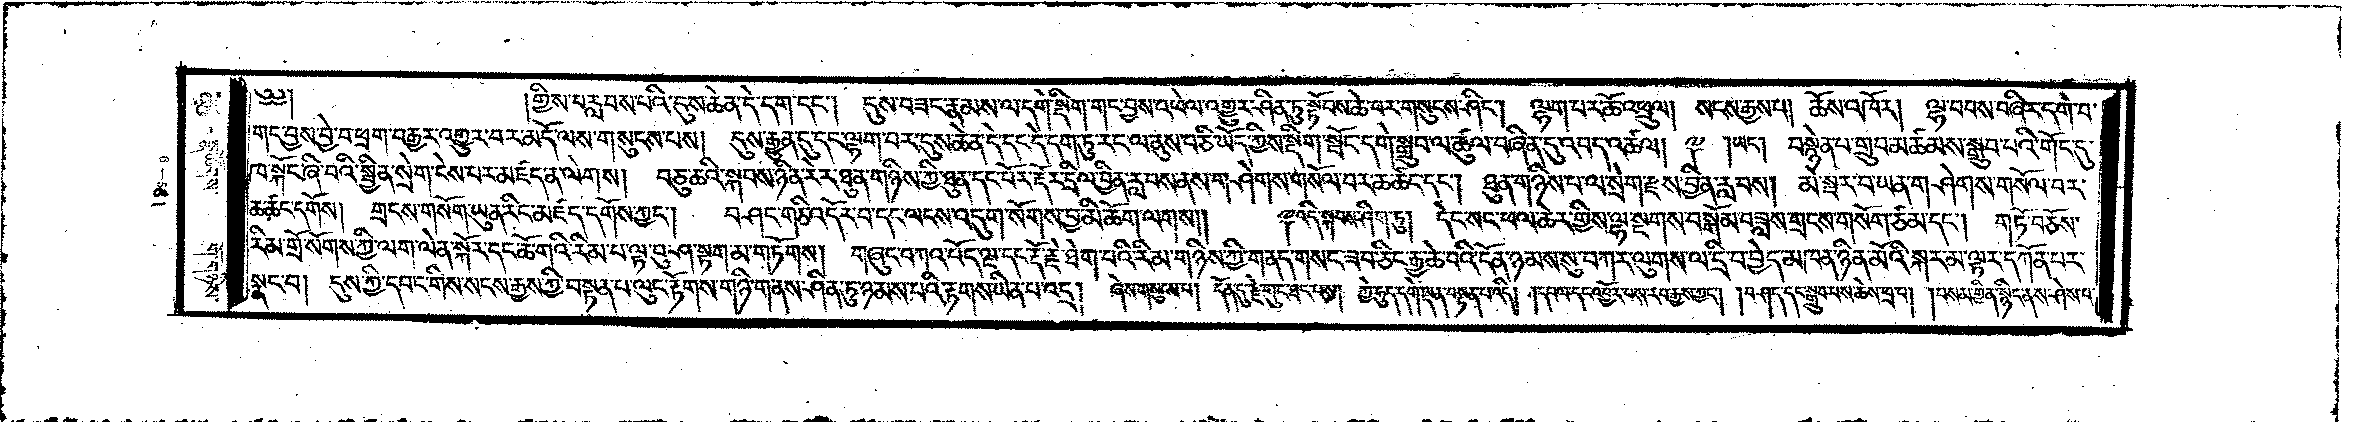༄༅། །གྱིས་བརླབས་པའི་དུས་ཆེན་དེ་དག་དང་། དུས་བཟང་རྣམས་ལ་དགེ་སྡིག་གང་བྱས་འཕེལ་འགྱུར་ཤིན་ཏུ་སྟོབས་ཆེ་བར་གསུངས་ཤིང་། ལྷག་པར་ཆོ་འཕྲུལ། སངས་རྒྱས་པ། ཆོས་འཁོར། ལྷ་བབས་བཞིར་དགེ་བ་
གང་བྱས་བྱེ་བ་ཕྲག་བརྒྱར་འགྱུར་བར་མདོ་ལས་གསུངས་པས། དུས་རྒྱུན་དུ་དང་ལྷག་བར་དུས་ཆེན་དེ་དང་དེ་དག་ཏུ་རང་ལ་ནུས་བཅི་ཡོད་ཀྱིས་སྡིག་སྦོང་དགེ་སྒྲུབ་ལ་ཚུལ་བཞིན་དུ་འབད་འཚལ། ༈ །ཡང་།  བསྙེན་པ་གྲུབ་མཚམས་གྲུབ་པའི་གོང་དུ་
བསྐོང་ཞི་བའི་སྦྱིན་སྲེག་ངེས་པར་མཛད་ན་ལེགས། བཅུ་ཆའི་སྐབས་ཉིན་རེར་ཐུན་གཉིས་ཀྱི་ཐུན་དང་པོར་རྡོར་དྲིལ་བྱིན་རླབས་ནས་གཤེགས་གསོལ་བར་ཆ་ཚང་དང་། ཐུན་གཉིས་པ་ལ་སྲེག་རྫས་བྱིན་རླབས། མེ་སྦར་བ་ཡན་གཤེགས་གསོལ་བར་
འཚང་དགོས། གྲངས་གསོག་ཡུན་རིང་མཛད་དགོས་ཀྱང་། བཤང་གཅི་འདོར་བ་དང་ལངས་འདུག་སོགས་བྱ་མི་ཆོག་ལགས།། ༈ འདི་སྐབས་ཤིག་ཏུ།  དེང་སང་ཕལ་ཆེར་གྱིས་ལྷ་སྔགས་བསྒོམ་བཟླས་གྲངས་གསོག་ཙམ་དང་། གཏོ་བཅོས་
རིམ་གྲོ་སོགས་ཀྱི་ལག་ལེན་སྐོར་དང་ཆོ་གའི་རིམ་པ་ལྟ་བུ་ཤ་སྟག་མ་གཏོགས། གཞུང་བཀའ་པོད་ལྔ་དང་རྡོ་རྗེ་ཐེག་པའི་རིམ་གཉིས་ཀྱི་གནད་གསང་ཟབ་ཅིང་རྒྱ་ཆེ་བའི་དོན་ཉམས་སུ་བཀར་ལུགས་ལ་དྲི་བ་བྱེད་མཁན་ཉིན་མོའི་སྐར་མ་ལྟར་དཀོན་པར་
སྣང་བ། དུས་ཀྱི་དབང་གིས་སངས་རྒྱས་ཀྱི་བསྟན་པ་ལུང་རྟོགས་གཉི་གནས་ཤིན་ཏུ་ཉམས་པའི་རྟགས་ཡིན་པ་འདྲ། ཞེས་གསུངས་པ། དོན་དུ་རྗེ་གུང་ཐང་པས། ཀྱེ་ཧུད་དགེ་ལྡན་བསྟན་པ་འདི། །དཔལ་དང་འབྱོར་པས་རབ་རྒྱས་ཀྱང་། །བཤད་དང་སྒྲུབས་པས་ཆེས་བྲ་བ། །བསམ་གྱིན་སྙིང་ནས་ཤེས་པ་